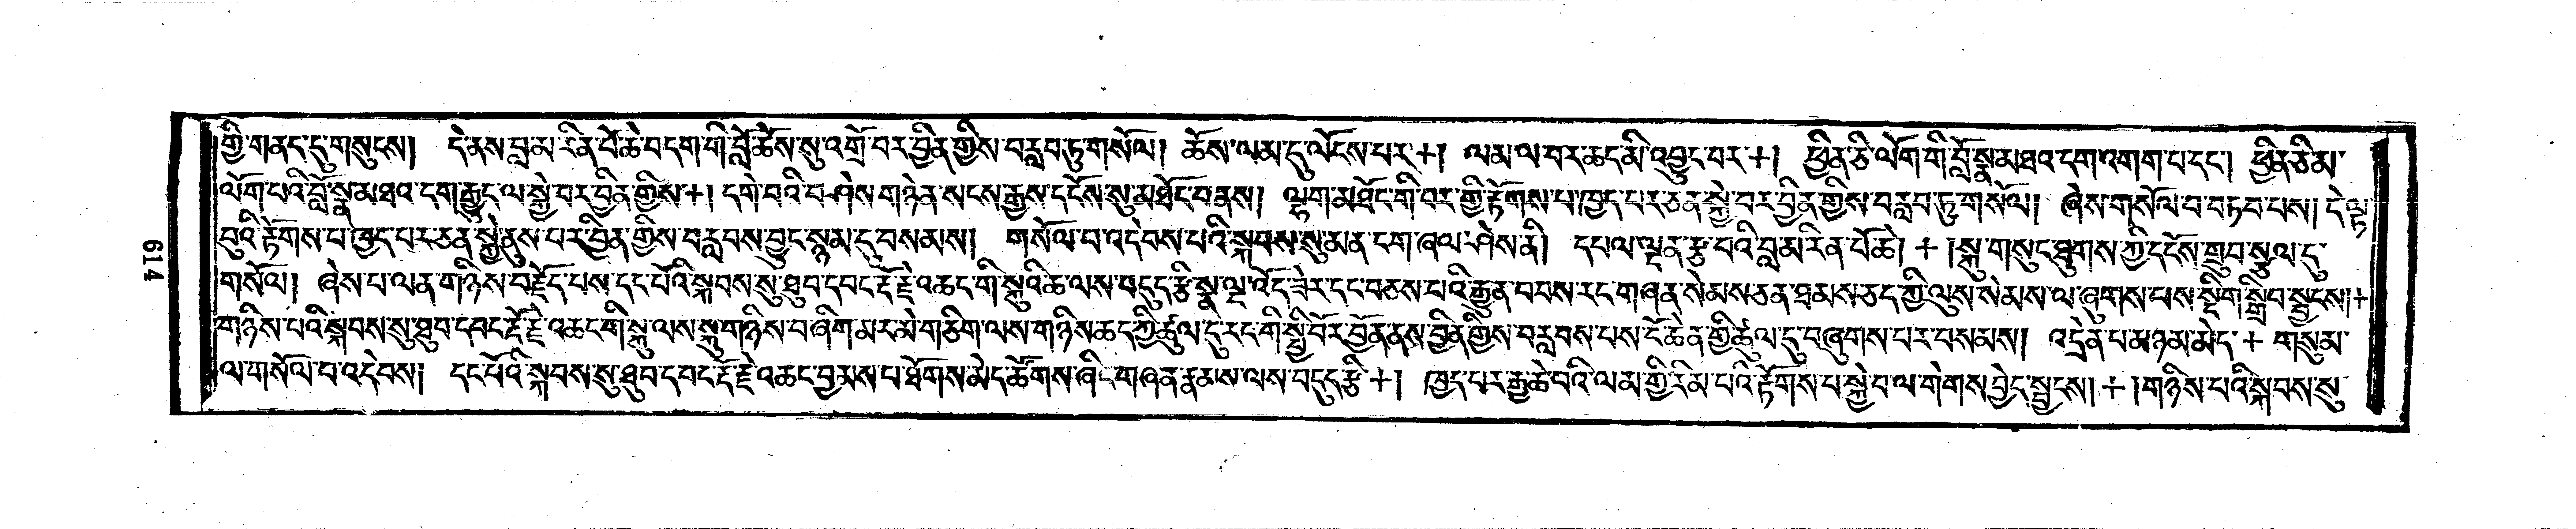གྱི་གནང་དུ་གསུངས། དེ་ནས་བླ་མ་རིན་པོ་ཆེ་བདག་གི་བློ་ཆོས་སུ་འགྲོ་བར་བྱིན་གྱིས་བརླབ་ཏུ་གསོལ། ཆོས་ལམ་དུ་ལོངས་པར་+། ལམ་ལ་བར་ཆང་མི་འབྱུང་བར་+། ཕྱིན་ཅི་ལོག་གི་བློ་སྣ་མཐའ་དག་འགག་པ་དང་། ཕྱིན་ཅི་མ་
ལོག་པའི་བློ་སྣ་མཐའ་དག་རྒྱུད་ལ་སྐྱེ་བར་བྱིན་གྱིས་+། དགེ་བའི་བཤེས་གཉེན་སངས་རྒྱས་དངོས་སུ་མཐོང་བ་ནས། ལྷག་མཐོང་གི་བར་གྱི་རྟོགས་པར་ཁྱད་པར་ཅན་སྐྱེ་བར་བྱིན་གྱིས་བརླབ་ཏུ་གསོལ། ཞེས་གསོལ་བ་བཏབ་པས། དེ་ལྟ་
བུའི་རྟོགས་པ་ཁྱད་པར་ཅན་སྐྱེ་ནུས་པར་བྱིན་གྱིས་བརླབས་བྱུང་སྙམ་དུ་བསམས། གསོལ་བ་འདེབས་པའི་སྐབས་སུ་མན་ངག་ཞལ་ཤེས་ནི། དཔལ་ལྡན་རྩ་བའི་བླ་མ་རིན་པོ་ཆེ། +།སྐུ་གསུང་ཐུགས་ཀྱི་དངོས་གྲུབ་སྩལ་དུ་
གསོལ། ཞེས་པ་ལན་གཉིས་བརྗོད་པས་དང་པོའི་སྐབས་སུ་ཐུབ་དབང་རྡོ་རྗེ་འཆང་གི་སྐུའི་ཆ་ལས་བདུད་རྩི་ལྔ་འོད་ཟེར་དང་བཅས་པའི་རྒྱུན་བབས་རང་གཞན་སེམས་ཅན་ཐམས་ཅད་ཀྱི་ལུས་སེམས་ལ་ཞུགས་པས་སྡིག་སྒྲིབ་སྦྱངས། +
གཉིས་པའི་སྐབས་སུ་ཐུབ་དབང་རྡོ་རྗེ་འཆང་གི་སྐུ་ལས་སྐུ་གཉིས་བ་ཞིག་མར་མེ་གཅིག་ལས་གཉིས་ཆད་ཀྱི་ཚུལ་དུ་རང་གི་སྦྱི་བོར་བྱོན་ནས་བྱིན་གྱིས་བརླབས་པའི་ངོ་ཆེན་གྱི་ཚུལ་དུ་བཞུགས་པར་བསམས། འདྲེན་པ་མཉམ་མེད་+་།གསུམ་
ལ་གསོལ་བ་འདེབས། དང་པོའི་སྐབས་སུ་ཐུབ་དབང་རྡོ་རྗེ་འཆང་བྱམས་པ་ཐོགས་མེད་ཚོགས་ཞིང་གཞན་རྣམས་ལས་བདུད་རྩི་+། ཁྱད་པར་རྒྱ་ཆེ་བའི་ལམ་གྱི་རིམ་པའི་རྟོགས་པ་སྐྱེ་བ་ལ་གེགས་བྱེད་སྦྱངས། +། གཉིས་པའི་སྐབས་སུ་